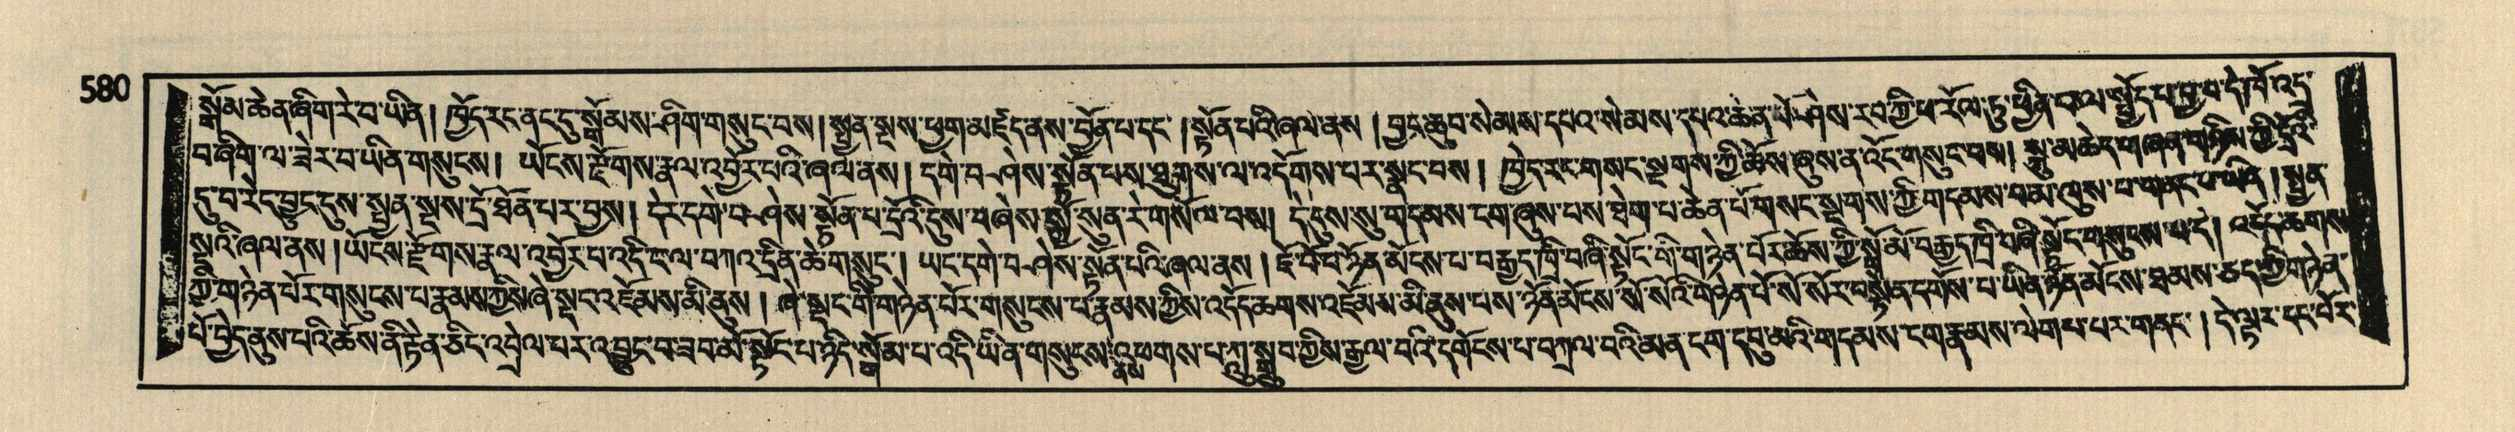སྒོམ་ཆེན་ཞིག་རེ་བ་ཡིན། ཁྱོད་རང་ནང་དུ་སྒོམས་ཤིག་གསུང་བས། སྤྱན་སྔས་ཕྱག་མཛད་ནས་བྱོན་པ་དང་།སྟོན་པའི་ཞལ་ནས་།བྱང་ཆུབ་སེམས་དཔའ་སེམས་དཔའ་ཆེན་པོ་ཤེས་རབ་ཀྱི་ཕ་རོལ་ཏུ་ཕྱིན་བ་ལ་སྤྱོད་པ་བྱ་བ་དེ་ཁོ་འདྲ་
བ་ཞིག་ལ་ཟེར་བ་ཡིན་གསུངས། ཡོངས་རྫོགས་རྣལ་འབྱོར་པའི་ཞལ་ནས། དགེ་བཤེས་སྟོན་པས་ཐུགས་ལ་འདྒོས་པར་སྣང་བས། ཁྱེད་རང་གསང་སྔགས་ཀྱི་ཆོས་ཞུས་ན་འོད་གསུང་བས། སྐུ་མཆེད་གཞན་གཉིས་ཀྱི་དྲོའི་
དུ་བ་རེད་བྱུང་དུས་སྤྱན་སྔས་དྲོ་ཐོན་པར་བྱས། དེར་དགེ་བཤེས་སྟོན་པ་དྲོའི་དུས་བཞེས་སྐྱོ་སུན་རེ་གསོལ་བས། དེ་དུས་སུ་གདམས་ངག་ཞུས་པས་ཐེག་པ་ཆེན་པོ་གསང་སྔགས་ཀྱི་གདམས་བ་མ་ལུས་པ་གནང་བ་ཡིན། སྤྱན་
སྔའི་ཞལ་ནས་།ཡོངས་རྫོགས་རྣལ་འབྱོར་པ་འདི་ངལ་བཀའ་དྲིན་ཆེ་གསུང་། ཡང་དགེ་བཤེས་སྟོན་པའི་ཞལ་ནས་།ཇོ་བོ་པ་ཉོན་མོངས་པ་བརྒྱད་ཁྲི་བཞི་སྟོང་གི་གཉེན་པོར་ཆོས་ཀྱི་སྒོ་མོ་བརྒྱད་ཁྲི་བཞི་སྟོང་གསུངས་པ་དེ། འདོད་ཆགས་
ཀྱི་གཉེན་པོར་གསུངས་པ་རྣམས་ཀྱིས་ཞེ་སྡང་འཇོམས་མི་ནུས། ཞེ་སྡང་གི་གཉེན་པོར་གསུངས་པ་རྣམས་ཀྱིས་འདོད་ཆགས་འཇོམས་མི་ནུས་པས་ཉོན་མོངས་སོ་སོའི་གཉེན་པོ་སོ་སོར་བསྟེན་དགོས་པ་ཡིན་ཉོན་མོངས་ཐམས་ཅད་ཀྱི་གཉེན་
པོ་བྱེད་ནུས་པའི་ཆོས་ནི་རྟེན་ཅིང་འབྲེལ་པར་འབྱུང་བ་ཟབ་མོ་སྟོང་པ་ཉིད་སྒོམ་པ་འདི་ཡིན་གསུངས་ནས་འཕགས་པ་ཀླུ་སྒྲུབ་ཀྱིས་རྒྱལ་བའི་དགོངས་པ་བཀྲལ་བའི་མན་ངག་དབུ་མའི་གདམས་ངག་རྣམས་ལེགས་པར་གནང་།དེ་ལྟར་དང་པོར་